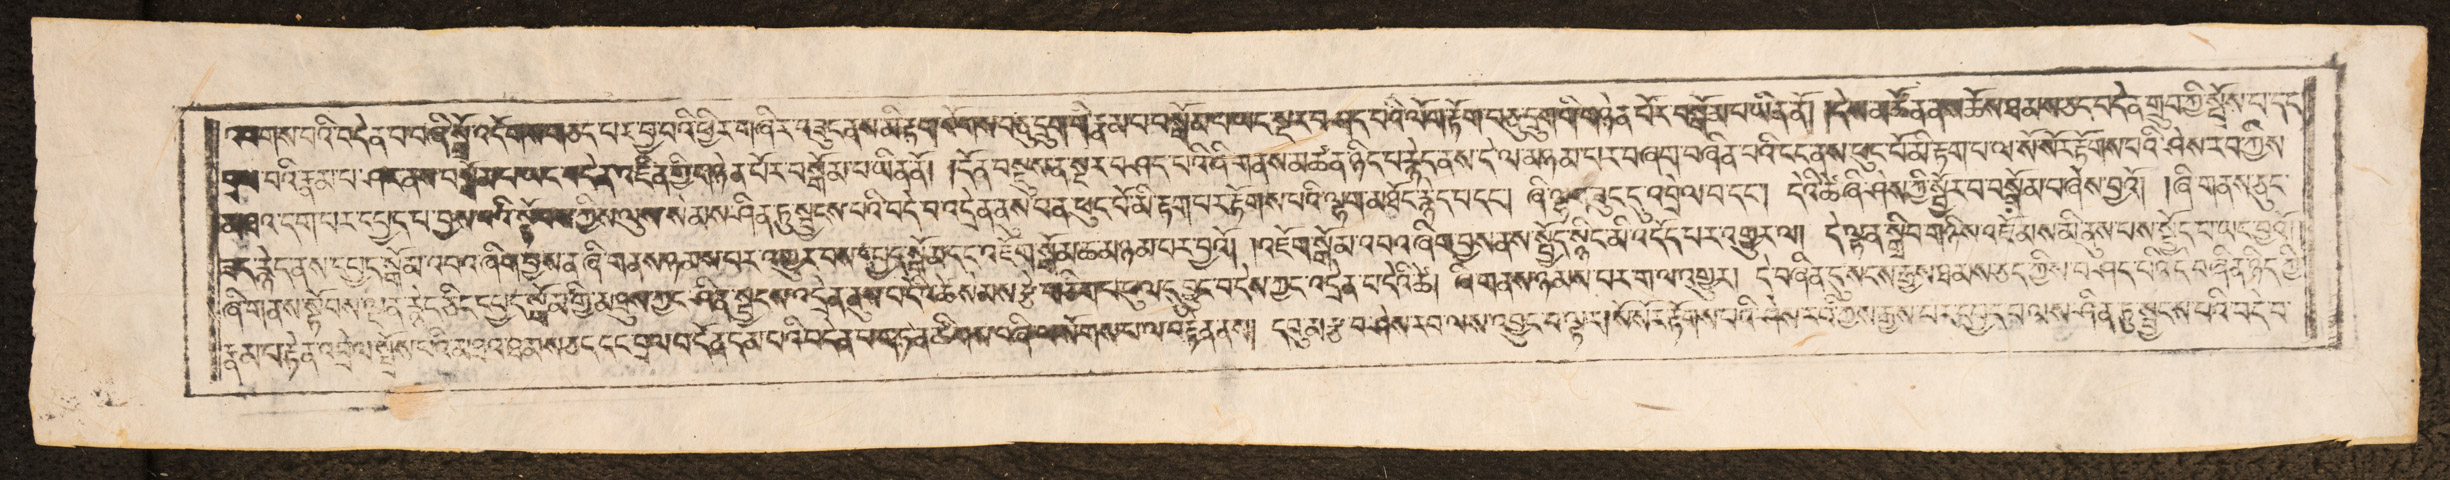འཕགས་པའི་བདེན་པ་བཞི་སྒྲོ་འདོགས་གཅད་པར་བྱ་བའི་ཕྱིར་གཞིར་བཟུང་ནས་མི་རྟག་སོགས་བཅུ་དྲུག་གི་རྣམ་པ་བསྒོམ་པ་ཡང་སྔར་བཤད་པའི་ལོག་རྟོག་བཅུ་དྲུག་གི་གཉེན་པོར་བསྒོམ་པ་ཡིན་ནོ། །དེས་མཚོན་ནས་ཆོས་ཐམས་ཅད་བདེན་གྲུབ་ཀྱི་སྤྲོས་པ་དང་
བྲལ་བའི་རྣམ་པ་ཤར་ནས་བསྒོམ་པ་ཡང་བདེན་འཛིན་གྱི་གཉེན་པོར་བསྒོམ་པ་ཡིན་ནོ། །དོན་བསྡུས་ན་སྔར་བཤད་པའི་ཞི་གནས་མཚན་ཉིད་པ་རྙེད་ནས་དེ་ལ་མཉམ་པར་བཞག་བཞིན་པའི་ངང་ནས་ཕུང་པོ་མི་རྟག་པ་ལ་སོ་སོར་རྟོགས་པའི་ཤེས་རབ་ཀྱིས་
མཐའ་དག་པར་དཔྱད་པ་བྱས་པའི་སྟོབས་ཀྱིས་ལུས་སེམས་ཤིན་ཏུ་སྦྱངས་པའི་བདེ་བ་འདྲེན་ནུས་པ་ན་ཕུང་པོ་མི་རྟག་པར་རྟོགས་པའི་ལྷག་མཐོང་རྙེད་པ་དང་། ཞི་ལྷག་ཟུང་དུ་འབྲེལ་བ་དང་། དེའི་ཚེ་ཞི་ཤེས་ཀྱི་སྦྱོར་བ་བསྒོམ་པ་ཞེས་བྱའོ། །ཞི་གནས་སྕུང་
ཟད་རྙེད་ནས་དཔྱད་སྒོམ་འབའ་ཞིག་བྱས་ན་ཞི་གནས་ཉམས་པར་འགྱུར་བས་དཔྱད་སྒོམ་དང་འཇོག་སྒོམ་ཆ་མཉམ་པར་བྱའོ། །འཇོག་སྒོམ་འབའ་ཞིག་བྱས་ནས་སྤྱོད་སྙིང་མི་འདོད་པར་འགྱུར་ལ། དེ་ལྟ་ན་སྒྲིབ་གཉིས་འཇོམས་མི་ནུས་པས་སྤྱོད་པ་ཡང་བྱའོ།།
ཞི་གནས་སྟོབས་ལྡན་རྙེད་ཅིང་དཔྱད་སྒོམ་གྱི་མཐུས་ཀྱང་ཤིན་སྦྱངས་འདྲེན་ནུས་པ་དེའི་ཚེ་སེམས་རྩེ་གཅིག་པ་ཕུལ་དུ་བྱུང་བ་དེས་ཀྱང་འདྲེན་པ་དེའི་ཚེ། ཞི་གནས་ཉམས་པར་ག་ལ་འགྱུར། དེ་བཞིན་དུ་སངས་རྒྱས་ཐམས་ཅད་ཀྱིས་བཤད་པའི་དེ་བཞིན་ཉིད་ཀྱི་
རྣམ་པ་རྟེན་འབྲེལ་སྤྲོས་པའི་མཐའ་ཐམས་ཅད་དང་བྲལ་བ་དོན་དམ་པའི་བདེན་པ་གཏན་ཚིགས་བཞི་ལ་སོགས་པ་ལ་བརྟེན་ནས། དབུ་མ་རྩ་བ་ཤེས་རབ་ལས་འབྱུང་བ་ལྟར། སོ་སོར་རྟོག་པའི་ཤེས་རབ་ཀྱིས་རྒྱས་པར་དཔྱད་པ་ལས་ཤིན་ཏུ་སྦྱངས་པའི་བདེ་བ་